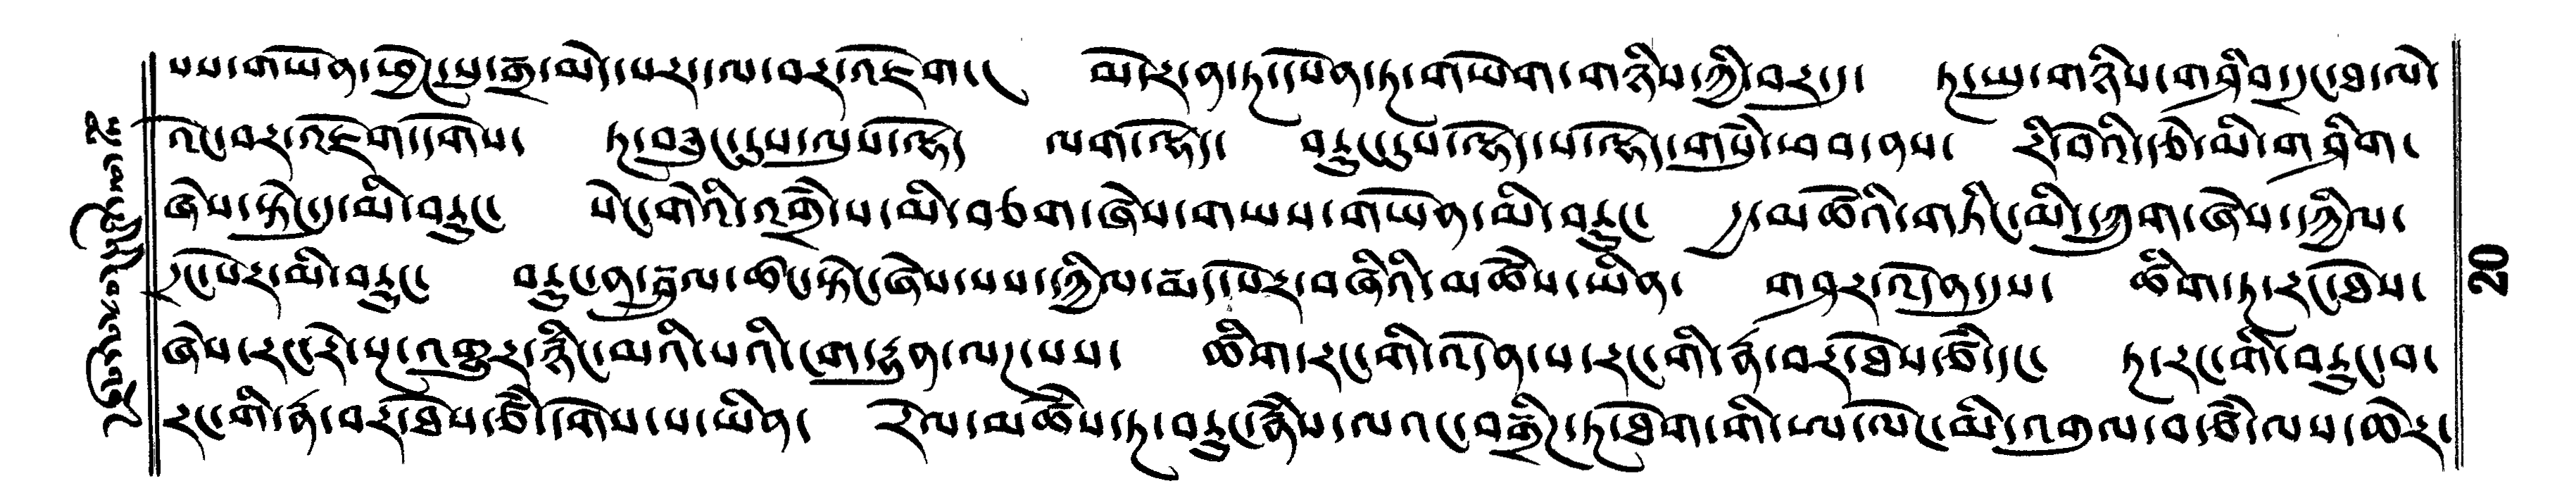པས་གཡོན་ཕྱོགས་སུ་སྒྲ་མེད་པར་དལ་བར་འཇོག མདོར་ན་རྔ་དཔོན་རྔ་གཡོག་གཉིས་ཀྱི་བར་དུ། རྔ་ཡུ་གཉིས་གཤིབ་དྲང་ཐ་ལེ་
འོང་བར་འཇོག་དགོས། རྔ་བཟུང་དུས་ལུས་ལྷོད། ལག་ལྷོད། བརྡུང་དུས་ལྷོད་པ་ལྷོད་སྟེ་གསུམ་ཕབ་ནས། རི་བོའི་རྩེ་མི་བཤིག་
ཅེས་སྟེང་དུ་མི་བརྡུང་། སེང་གེའི་འགྲམ་པ་མི་བཅག་ཞེས་གཡས་གཡོན་མི་བརྡུང་། རྒྱ་མཚོའི་གཏིང་མི་དཀྲུག་ཅེས་དཀྱིལ་
དྲང་པོར་མི་བརྡུང་། བརྡུང་ན་སྦྲུལ་ཚང་སྟེང་ཞེས་པས་དཀྱིལ་སྨད་སོར་བཞིའི་མཚམས་ཡིན། གཤར་འདོན་དུས། ཚིག་རྔ་རང་ཐོས་
ཞེས་རང་རེ་སྔ་འགྱུར་རྙིང་མ་པའི་ངག་རྒྱུན་ལགས་པས། ཚིག་རང་གིས་བདོན་པ་རང་གི་རྣ་བར་ཐོས་ཙམ་དང་། རྔ་རང་གིས་བརྡུངས་བ་
རང་གི་རྣ་བར་ཐོས་ཙམ་དགོས་པ་ཡིན།རོལ་མཚམས་རྔའི་བརྡུང་རྣམས་ལའང་བསྒྲིགས་རྔ་ཐོག་གི་ཨ་ལོང་མི་འགུལ་བ་ཙམ་ལས་ཆེར་